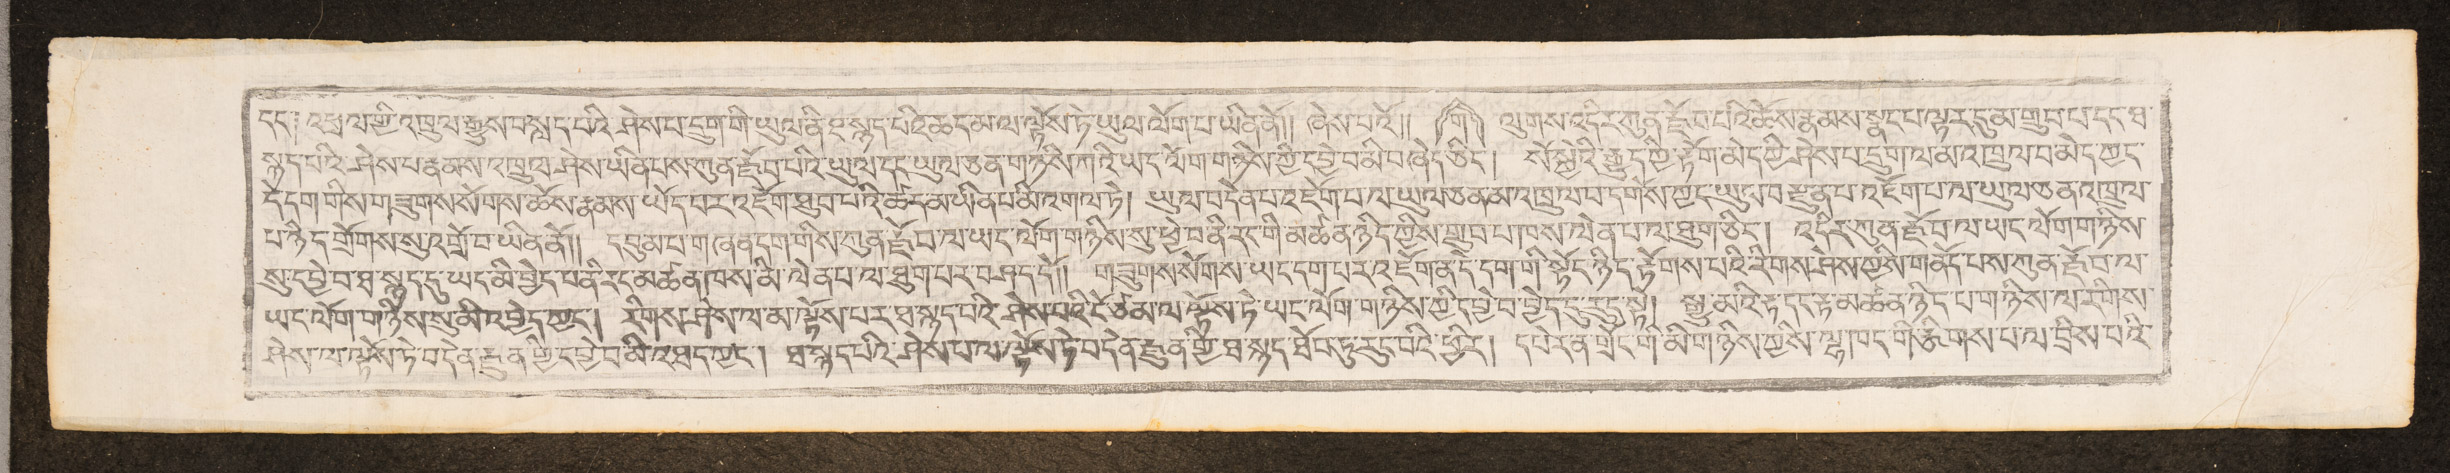དང་། འཕྲལ་གྱི་འཁྲུལ་རྒྱུས་བསླད་པའི་ཤེས་པ་དྲུག་གི་ཡུལ་ནི་ཐ་སྙད་པའི་ཚད་མ་ལ་ལྟོས་ཏེ་ཡུལ་ལོག་པ་ཡིན་ནོ།། ཞེས་པའོ།། ༼༽ག༼༽ ལུགས་འདིར་ཀུན་རྫོབ་པའི་ཆོས་རྣམས་སྣང་པ་ལྟར་དུ་མ་གྲུབ་པ་དང་ཐ་
སྙད་པའི་ཤེས་པ་རྣམས་འཁྲུལ་ཤེས་ཡིན་པས་ཀུན་རྫོབ་པའི་ཡུལ་དང་ཡུལ་ཅན་གཉིས་ཀའི་ཡང་ལོག་གཉིས་ཀྱི་དབྱེ་བ་མི་བཞེད་ཅིང་། སོ་སྐྱེའི་རྒྱུད་ཀྱི་རྟོག་མེད་ཀྱི་ཤེས་པ་དྲུག་ལ་མ་འཁྲུལ་བ་མེད་ཀྱང་
དེ་དག་གིས་གཟུགས་སོགས་ཆོས་རྣམས་ཡོད་པར་འཇོག་ཐུབ་པའི་ཚད་མ་ཡིན་པ་མི་འགལ་ཏེ། ཡུལ་བདེན་པ་འཇོག་པ་ལ་ཡུལ་ཅན་མ་འཁྲུལ་བ་དགོས་ཀྱང་ཡུལ་བརྫུན་པ་འཇོག་པ་ལ་ཡུལ་ཅན་འཁྲུལ་
པ་ཉིད་གྲོགས་སུ་འགྲོ་བ་ཡིན་ནོ།། དབུ་མ་པ་གཞན་དག་གིས་ཀུན་རྫོབ་ལ་ཡང་ལོག་གཉིས་སུ་ཕྱེ་བ་ནི་རང་གི་མཚན་ཉིད་ཀྱིས་གྲུབ་པ་ཁས་ལེན་པ་ལ་ཐུག་ཅིང་། འདིར་ཀུན་རྫོབ་ལ་ཡང་ལོག་གཉིས་
སུ་དབྱེ་བ་ཐ་སྙད་དུ་ཡང་མི་བྱེད་པ་ནི་རང་མཚན་ཁས་མི་ལེན་པ་ལ་ཐུག་པར་བཤད་དོ།། གཟུགས་སོགས་ཡང་དག་པར་འཇོག་ན་དེ་དག་གི་སྟོང་ཉིད་རྟོགས་པའི་རིགས་ཤེས་ཀྱིས་གནོད་པས་ཀུན་རྫོབ་ལ་
ཡང་ལོག་གཉིས་སུ་མི་འབྱེད་ཀྱང་། རིགས་ཤེས་ལ་མ་ལྟོས་པར་ཐ་སྙད་པའི་ཤེས་པའི་ངོ་ཙམ་ལ་ལྟོས་ཏེ་ཡང་ལོག་གཉིས་ཀྱི་དབྱེ་བ་བྱེད་དུ་རུང་སྟེ། སྒྱུ་མའི་རྟ་དང་རྟ་མཚན་ཉིད་པ་གཉིས་ལ་རིགས་
ཤེས་ལ་ལྟོས་ཏེ་བདེན་རྫུན་གྱི་དཔྱེ་བ་མི་འཐད་ཀྱང་། ཐ་སྙད་པའི་ཤེས་པ་ལ་ལྟོས་ཏེ་བདེན་རྫུན་གྱི་ཐ་སྙད་ཐོབ་ཏུ་རུང་བའི་ཕྱིར། དཔེར་ན་གྲོང་གི་མི་གཉིས་ཀྱིས་ལྷ་ཁང་གི་རྩིགས་པ་ལ་བྲིས་པའི་